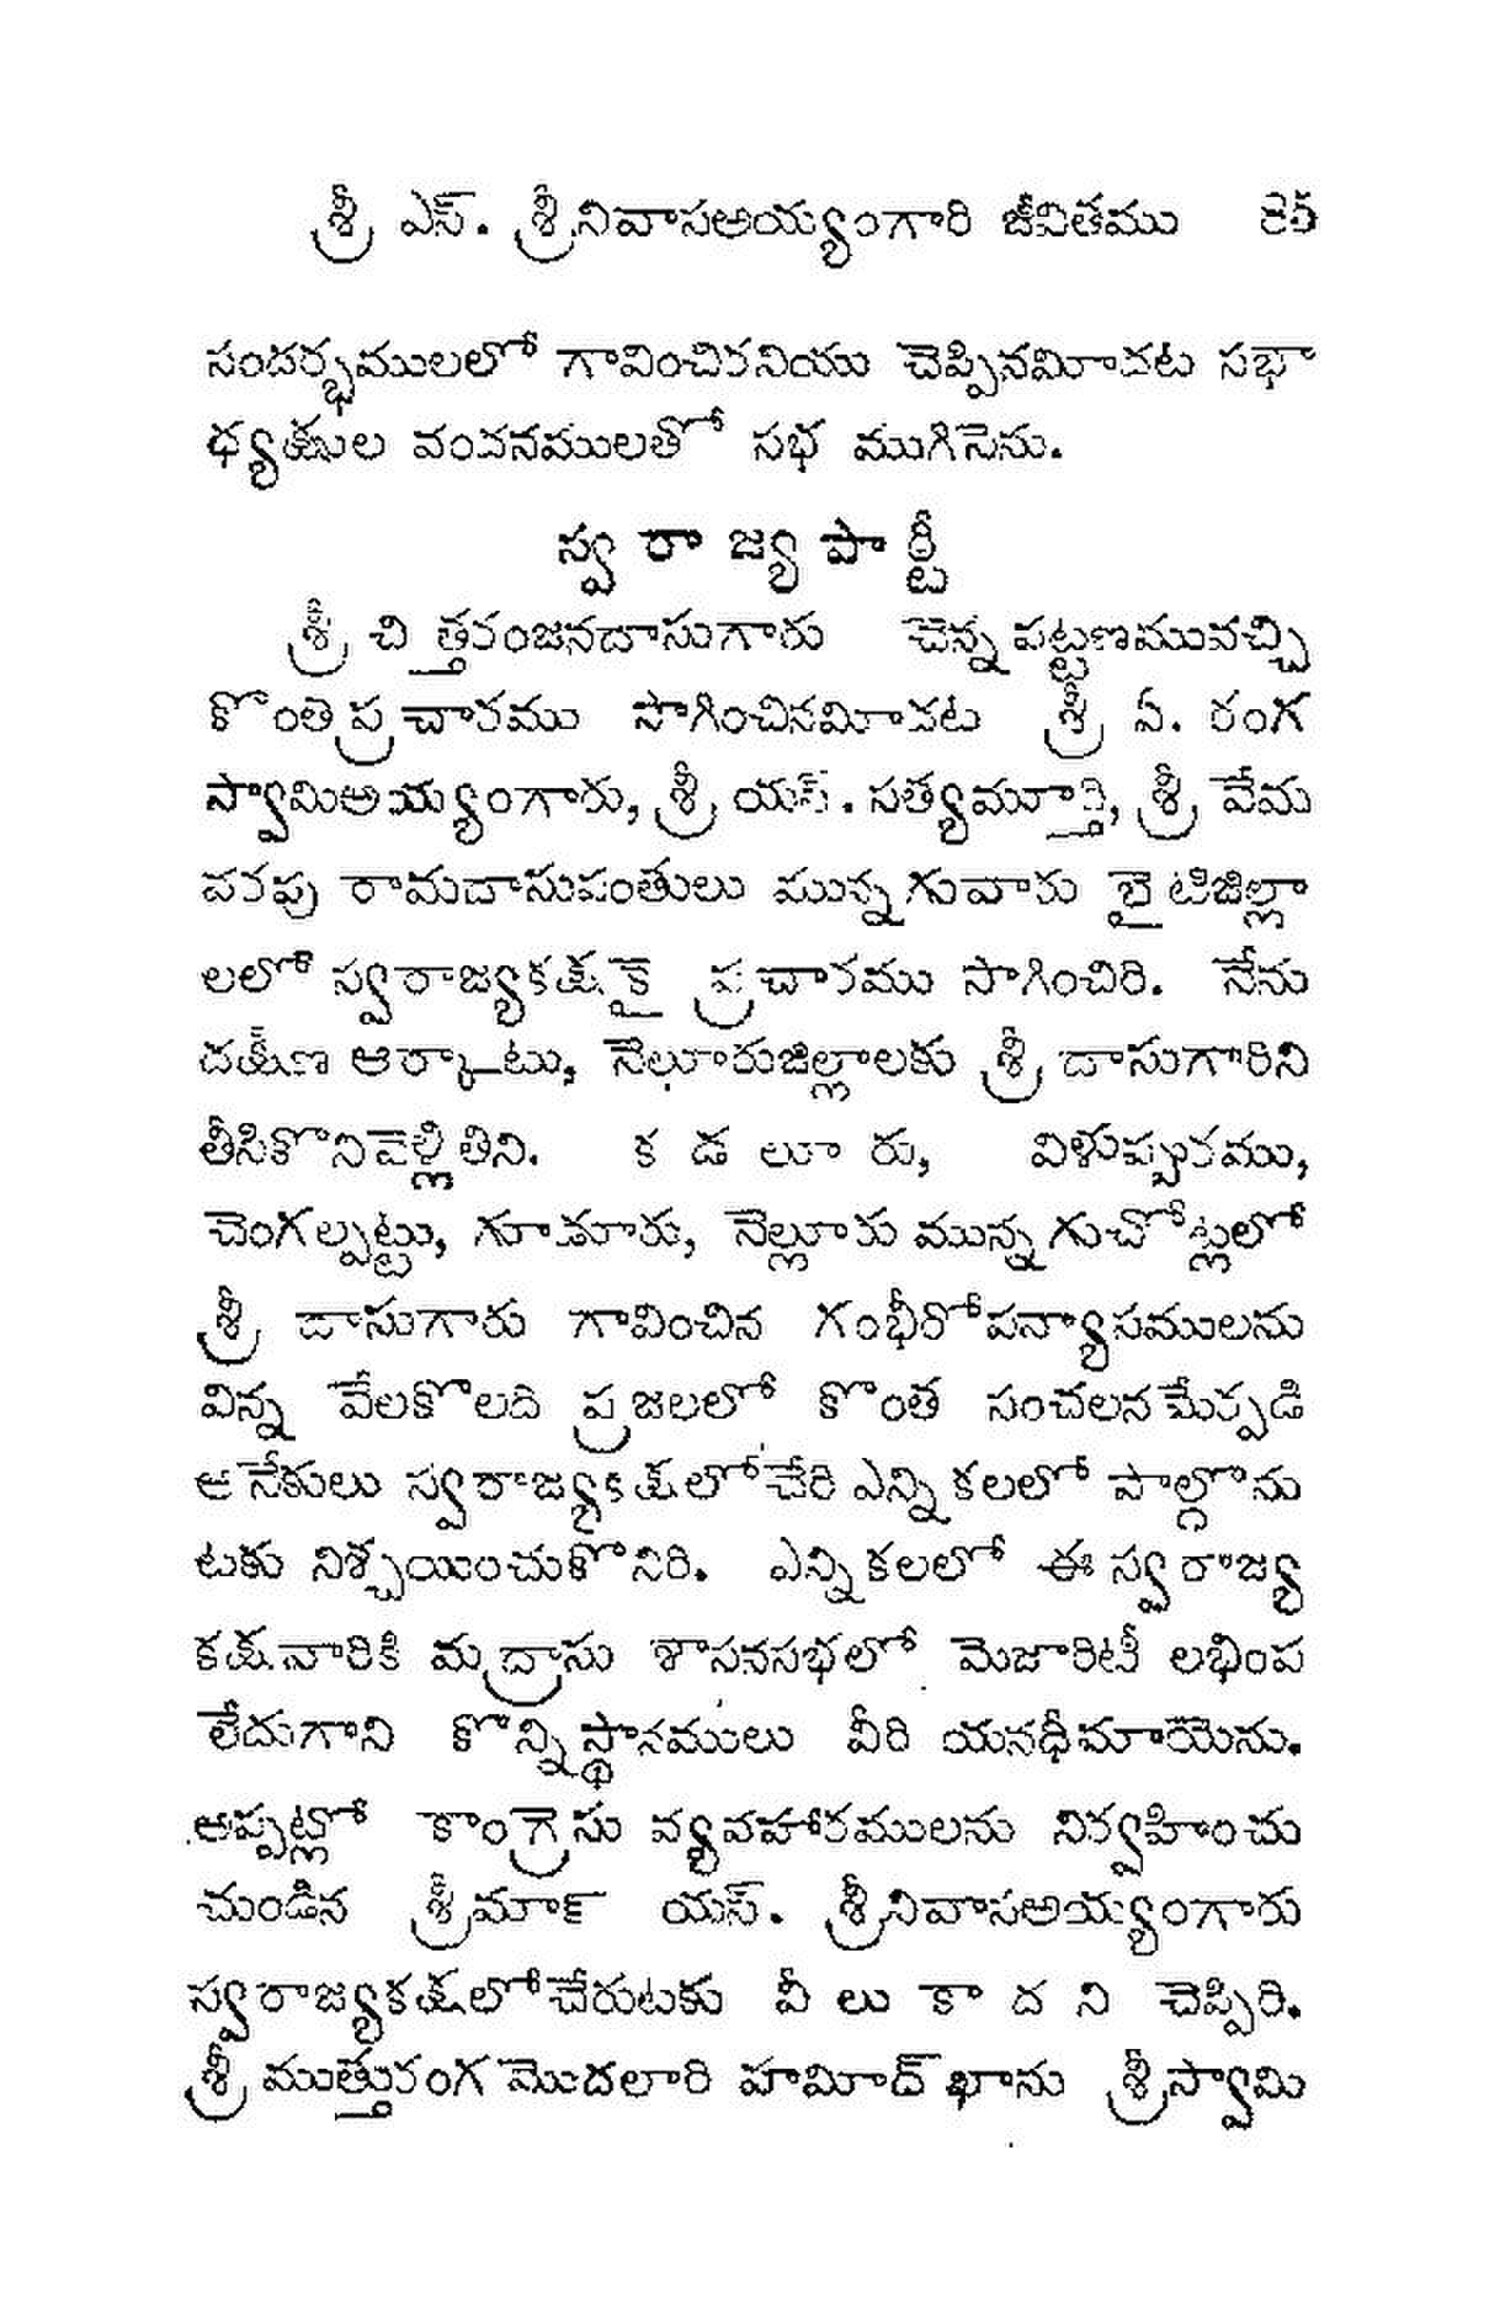సందర్భములలో గావించిరనియు చెప్పినమీదట సభాధ్యక్షుల వందనములతో సభ ముగిసెను.

స్వరాజ్యపార్టీ 

శ్రీ చిత్తరంజనదాసుగారు చెన్నపట్టణమువచ్చి కొంతప్రచారము సాగించినమీదట శ్రీ ఏ. రంగస్వామిఅయ్యంగారు, శ్రీ యస్. సత్యమూర్తి, శ్రీ వేమవరపు రామదాసుషంతులు మున్నగువారు బైటిజిల్లాలలో స్వరాజ్యకక్షకై ప్రచారము సాగించిరి. నేను దక్షిణ ఆర్కాటు, నెల్లూరుజిల్లాలకు శ్రీదాసుగారిని తీసికొనివెళ్లితిని. కడలూరు, విళుప్పురము, చెంగల్పట్టు, గూడూరు, నెల్లూరు మున్నగుచోట్లలో శ్రీ దాసుగారు గావించిన గంభీరోపన్యాసములను విన్న వేలకొలది ప్రజలలో కొంత సంచలన మేర్పడి అనేకులు స్వరాజ్యకక్షలోచేరి ఎన్నికలలో పాల్గొనుటకు నిశ్చయించుకొనిరి. ఎన్నికలలో ఈస్వరాజ్య కక్షవారికి మద్రాసు శాసనసభలో మెజారిటీ లభింప లేదుగాని కొన్నిస్థానములు వీరి యధీనమాయెను. అప్పట్లో కాంగ్రెసు వ్యవహారములను నిర్వహించు చుండిన శ్రీమా౯ యస్. శ్రీనివాసఅయ్యంగారు స్వరాజ్యకక్షలోచేరుటకు వీలుకాదని చెప్పిరి. శ్రీ ముత్తురంగమొదలారి హమిద్‌ఖాను శ్రీస్వామి